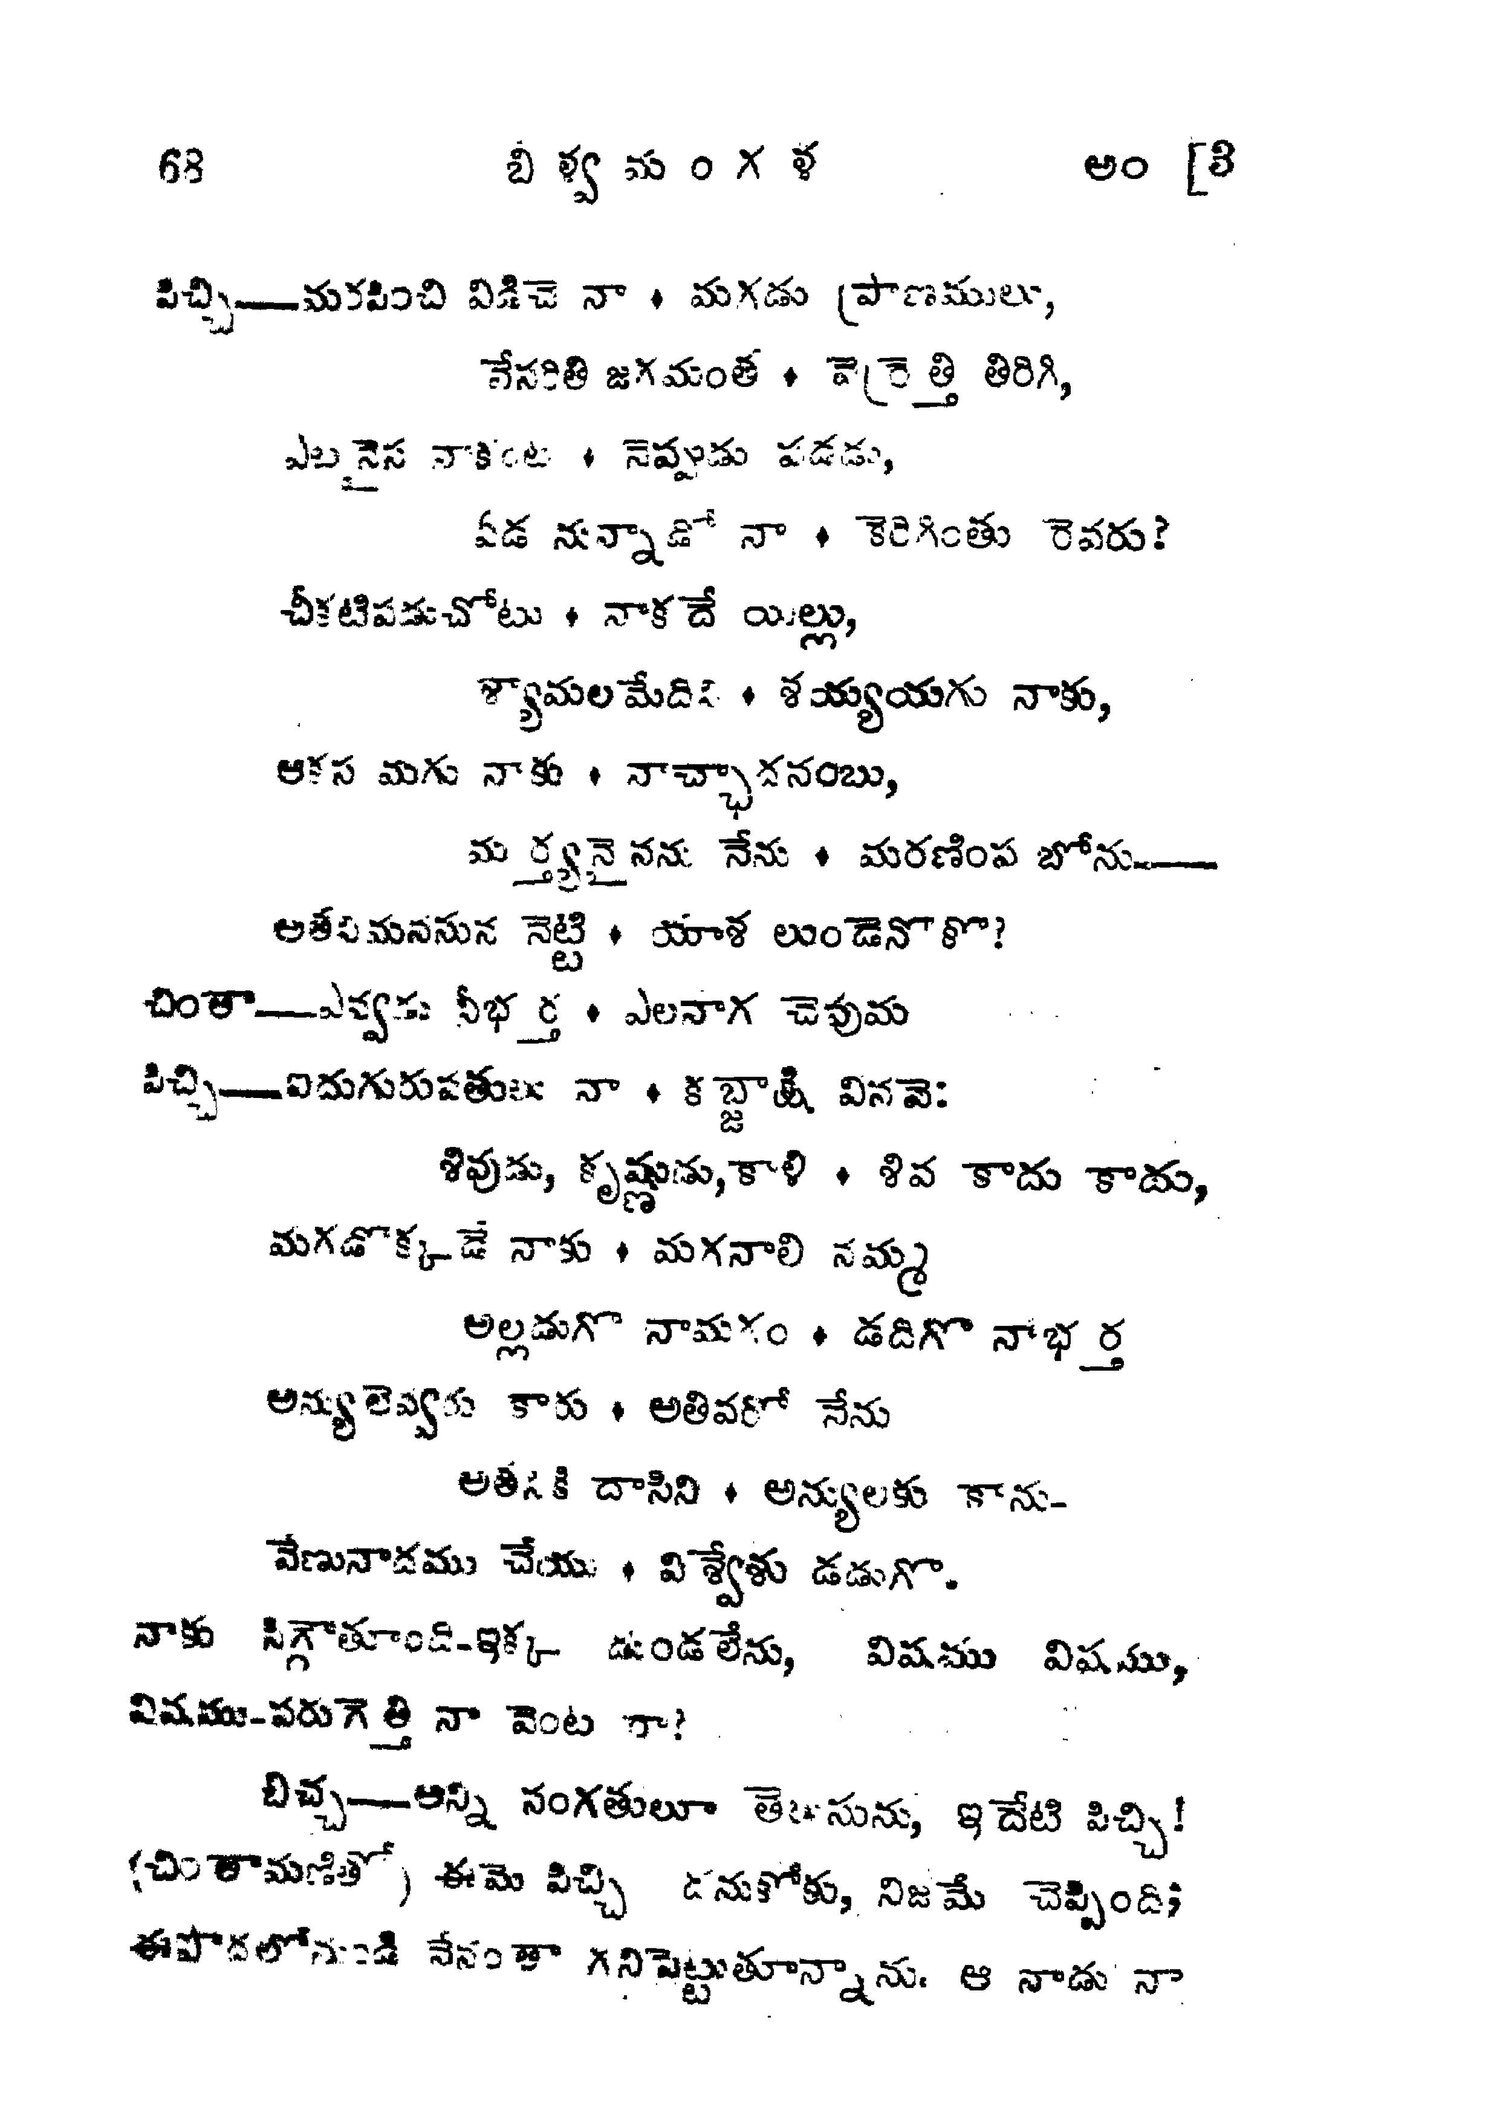పిచ్చి - మరపించి విడిచె నా ♦ మగడు ప్రాణములు,
 వేనరిత జగమంత ♦ వెర్రెత్తి తిరిగి,
 ఎటనైన నాకంట ♦ నెప్పుడు పడడు,
 ఏడ నున్నాడో నా ♦ కెరిగింతు రెవరు?
 చీకటిపడుచోటు ♦ నాకదే యిల్లు,
 శ్యామలమేదిని ♦ శయ్యయగు నాకు,
 ఆకస మగు నాకు ♦ నాచ్ఛాదనంబు,
 మర్త్యనైనను నేను ♦ మరణింప బోను-
 అతనిమనసున నెట్టి ♦ యాశ లుండెనొకొ?
 చింతా - ఎవ్వడు నీభర్త ♦ ఎలనాగ చెపుమ
 పిచ్చి - ఐదుగురుపతులు నా ♦ కబ్జాక్షి వినవె:
 శివుడు, కృష్ణుడు, కాళి ♦ శివ కాదు కాదు,
 మగడొక్కడే నాకు ♦ మగనాలి నమ్మ
 అల్లడుగో నామగం ♦ డదిగొ నాభర్త
 అన్యులెవ్వరు కారు ♦ అతివరో నేను
 అతనికి దాసిని ♦ అన్యులకు కాను-
 వేణునాదము చేయు ♦ విశ్వేశు డడుగొ.

నాకు సిగ్గౌతూంది-ఇక్క డుండలేను, విషము విషము, విషము-పరుగెత్తి నా వెంట రా?

బిచ్చ - అన్ని సంగతులూ తెలుసును, ఇదేటి పిచ్చి! (చింతామణితో) ఈమె పిచ్చి దనుకోకు, నిజమే చెప్పింది; ఈపొదలోనుండి నేనంతా గనిపెట్టుతూన్నాను. ఆ నాడు నా